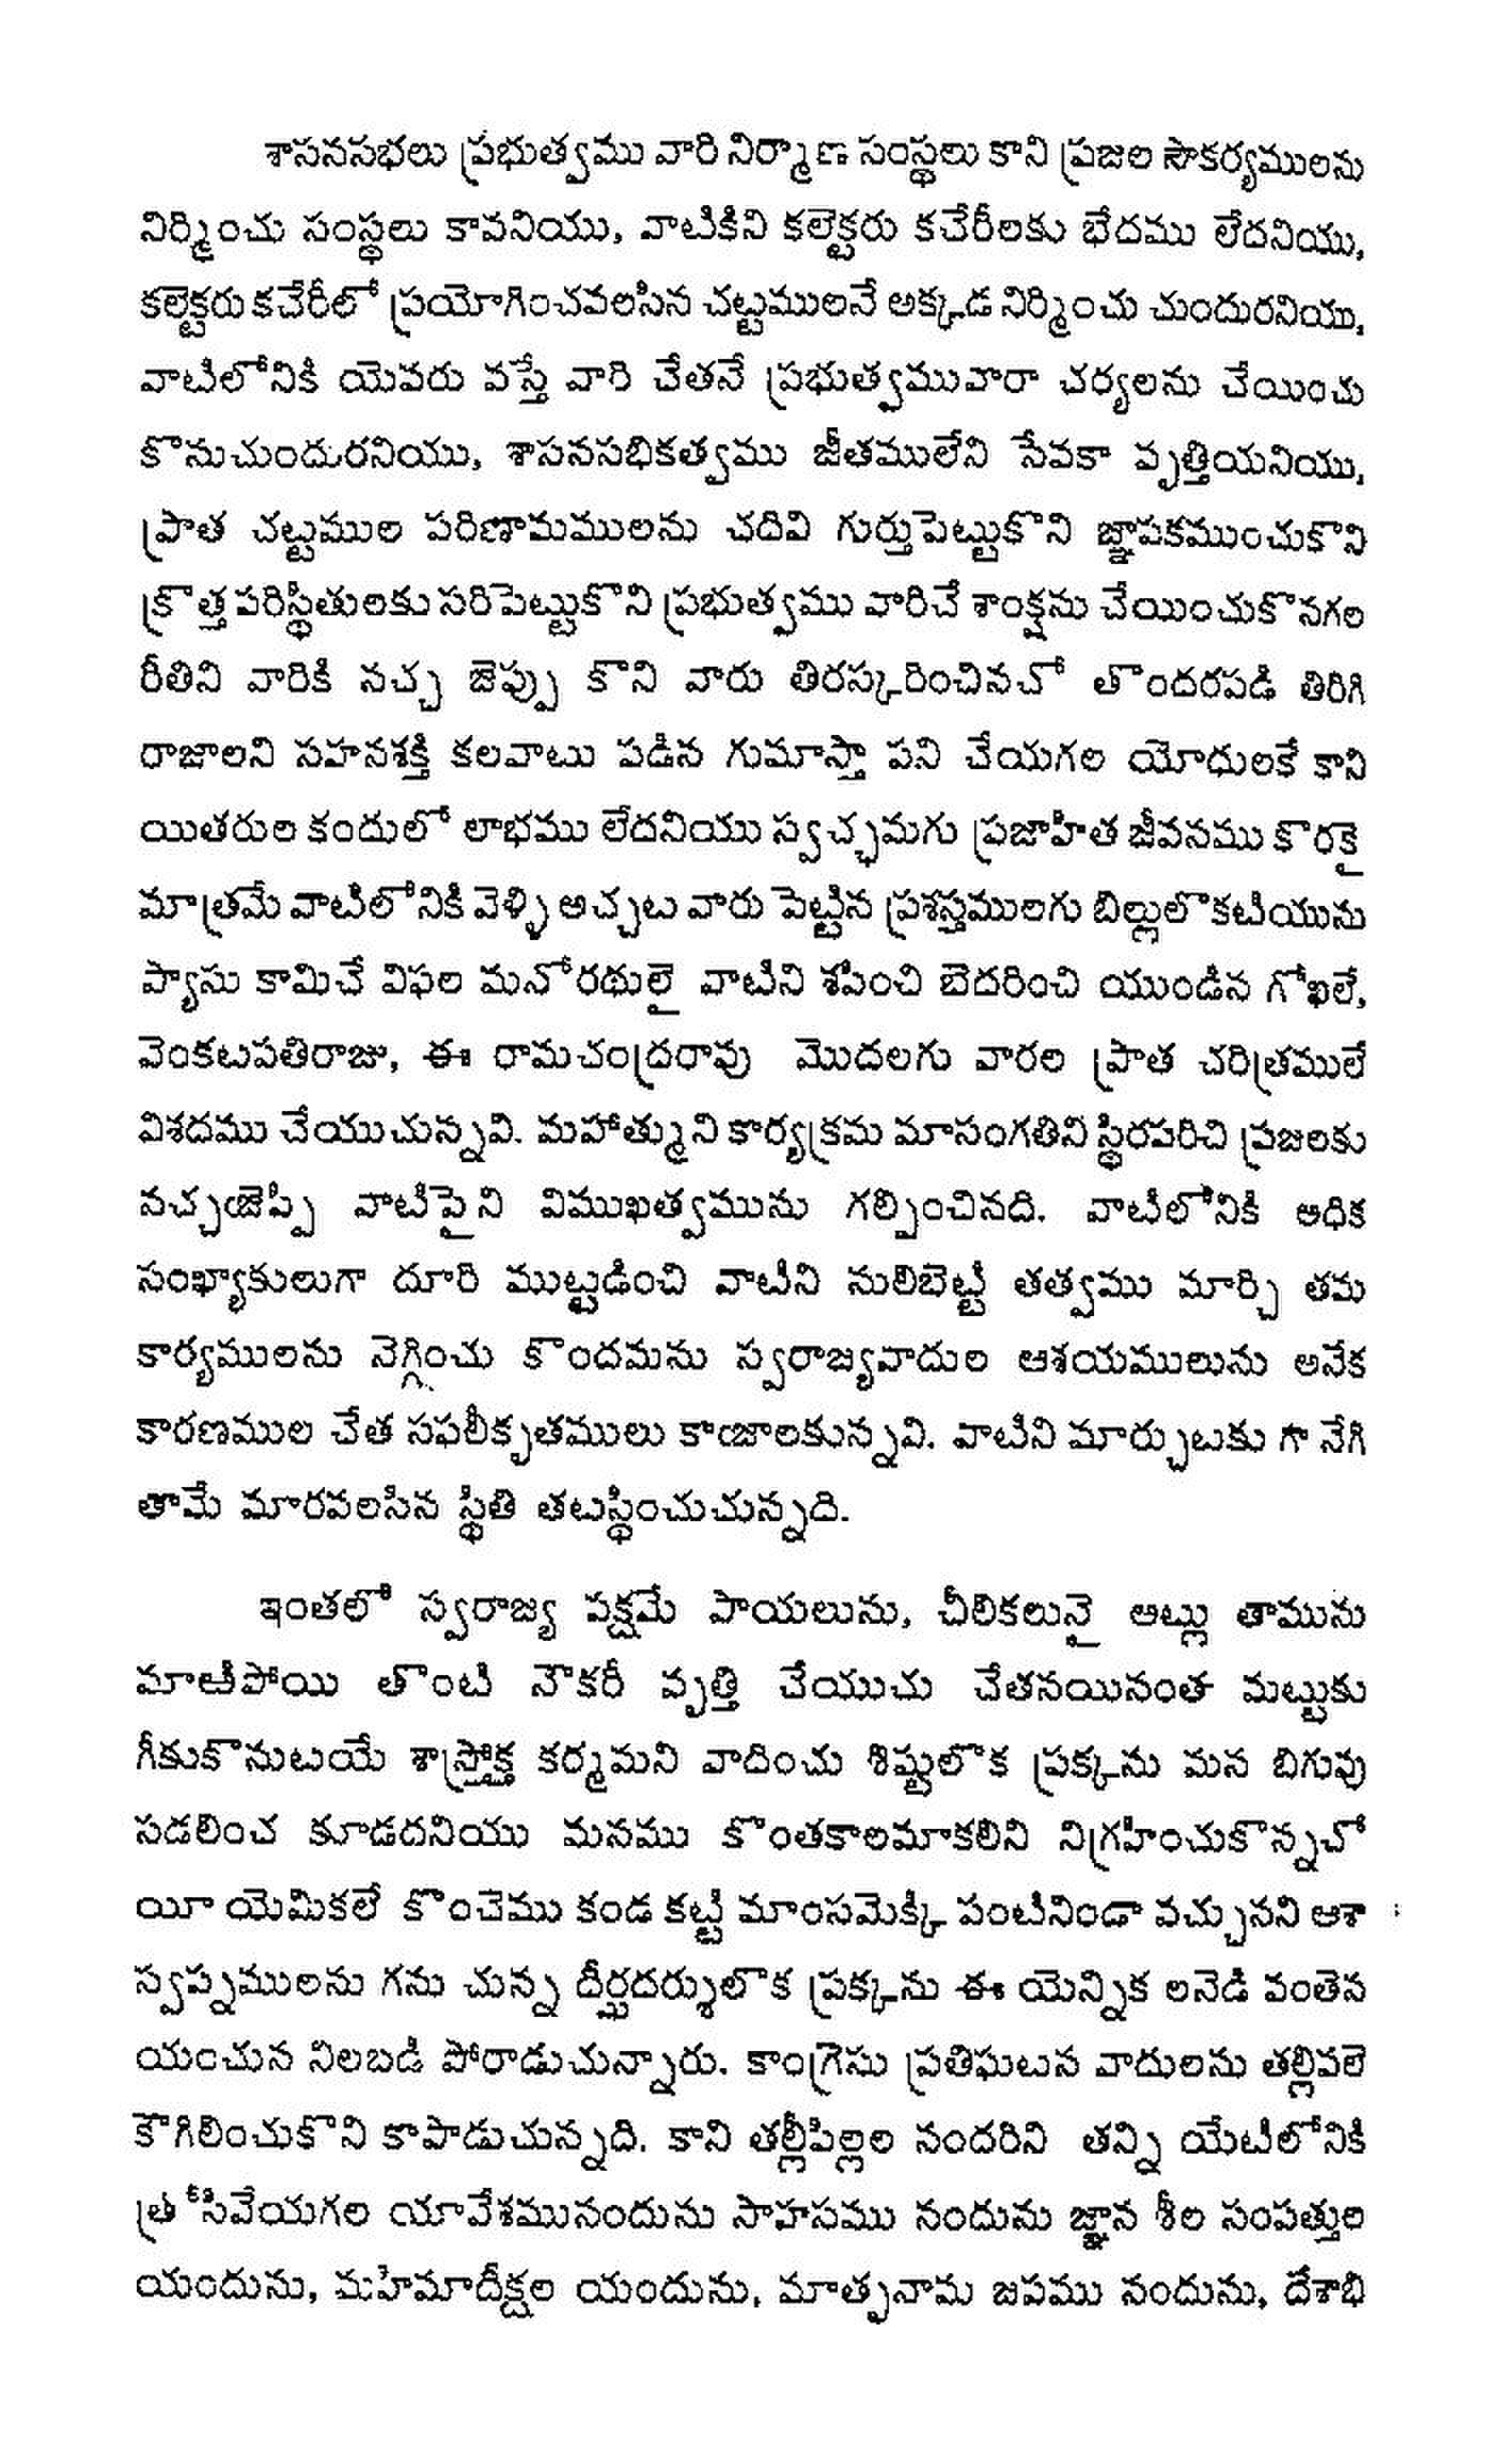శాసనసభలు ప్రభుత్వమువారి నిర్మాణ సంస్థలుకాని ప్రజల సౌకర్యములను నిర్మించు సంస్థలు కావనియు, వాటికిని కలెక్టరు కచేరీలకు భేదము లేదనియు, కలెక్టరుకచేరీలో ప్రయోగించవలసిన చట్టములనే అక్కడ నిర్మించు చుందురనియు, వాటిలోనికి యెవరు వస్తే వారి చేతనే ప్రభుత్వమువారా చర్యలను చేయించు కొనుచుందురనియు, శాసనసభికత్వము జీతములేని సేవకా వృత్తియనియు, ప్రాత చట్టముల పరిణామములను చదివి గుర్తుపెట్టుకొని జ్ఞాపకముంచుకొని క్రొత్త పరిస్థితులకు సరిపెట్టుకొని ప్రభుత్వము వారిచే శాంక్షను చేయించుకొనగల రీతిని వారికి నచ్చ జెప్పు కొని వారు తిరస్కరించినచో తొందరపడి తిరిగి రాజాలని సహనశక్తి కలవాటు పడిన గుమాస్తా పని చేయగల యోధులకే కాని యితరుల కందులో లాభము లేదనియు స్వచ్ఛమగు ప్రజాహిత జీవనము కొరకై మాత్రమే వాటిలోనికివెళ్ళి అచ్చటవారు పెట్టిన ప్రశస్తములగు బిల్లులొకటియును ప్యాసు కామిచే విఫల మనోరథులై వాటిని శపించి బెదరించి యుండిన గోఖలే, వెంకటపతిరాజు, ఈ రామచంద్రరావు మొదలగు వారల ప్రాత చరిత్రములే విశదము చేయుచున్నవి. మహాత్ముని కార్యక్రమ మాసంగతిని స్థిరపరిచి ప్రజలకు నచ్చఁజెప్పి వాటిపైని విముఖత్వమును గల్పించినది. వాటిలోనికి అధిక సంఖ్యాకులుగా దూరి ముట్టడించి వాటిని నులిబెట్టి తత్వము మార్చి తమ కార్యములను నెగ్గించు కొందమను స్వరాజ్యవాదుల ఆశయములును అనేక కారణముల చేత సఫలీకృతములు కాఁజాలకున్నవి. వాటిని మార్చుటకు గా నేగి తామే మారవలసిన స్థితి తటస్థించుచున్నది.

ఇంతలో స్వరాజ్య పక్షమే పాయలును, చీలికలునై అట్లు తామును మాఱిపోయి తొంటి నౌకరీ వృత్తి చేయుచు చేతనయినంత మట్టుకు గీకుకొనుటయే శాస్త్రోక్త కర్మమని వాదించు శిష్టులొక ప్రక్కను మన బిగువు సడలించ కూడదనియు మనము కొంతకాలమాకలిని నిగ్రహించుకొన్నచో యీ యెమికలే కొంచము కండ కట్టి మాంసమెక్కి వంటినిండా వచ్చునని ఆశా స్వప్నములను గను చున్న దీర్ఘదర్శులొక ప్రక్కను ఈ యెన్నిక లనెడి వంతెన యంచున నిలబడి పోరాడుచున్నారు. కాంగ్రెసు ప్రతిఘటన వాదులను తల్లివలె కౌగిలించుకొని కాపాడుచున్నది. కాని తల్లీపిల్లల నందరిని తన్ని యేటిలోనికి త్రోసివేయగల యావేశమునందును సాహసము నందును జ్ఞాన శీల సంపత్తుల యందును, మహిమాదీక్షల యందును, మాతృభాష జపము నందును, దేశాభి